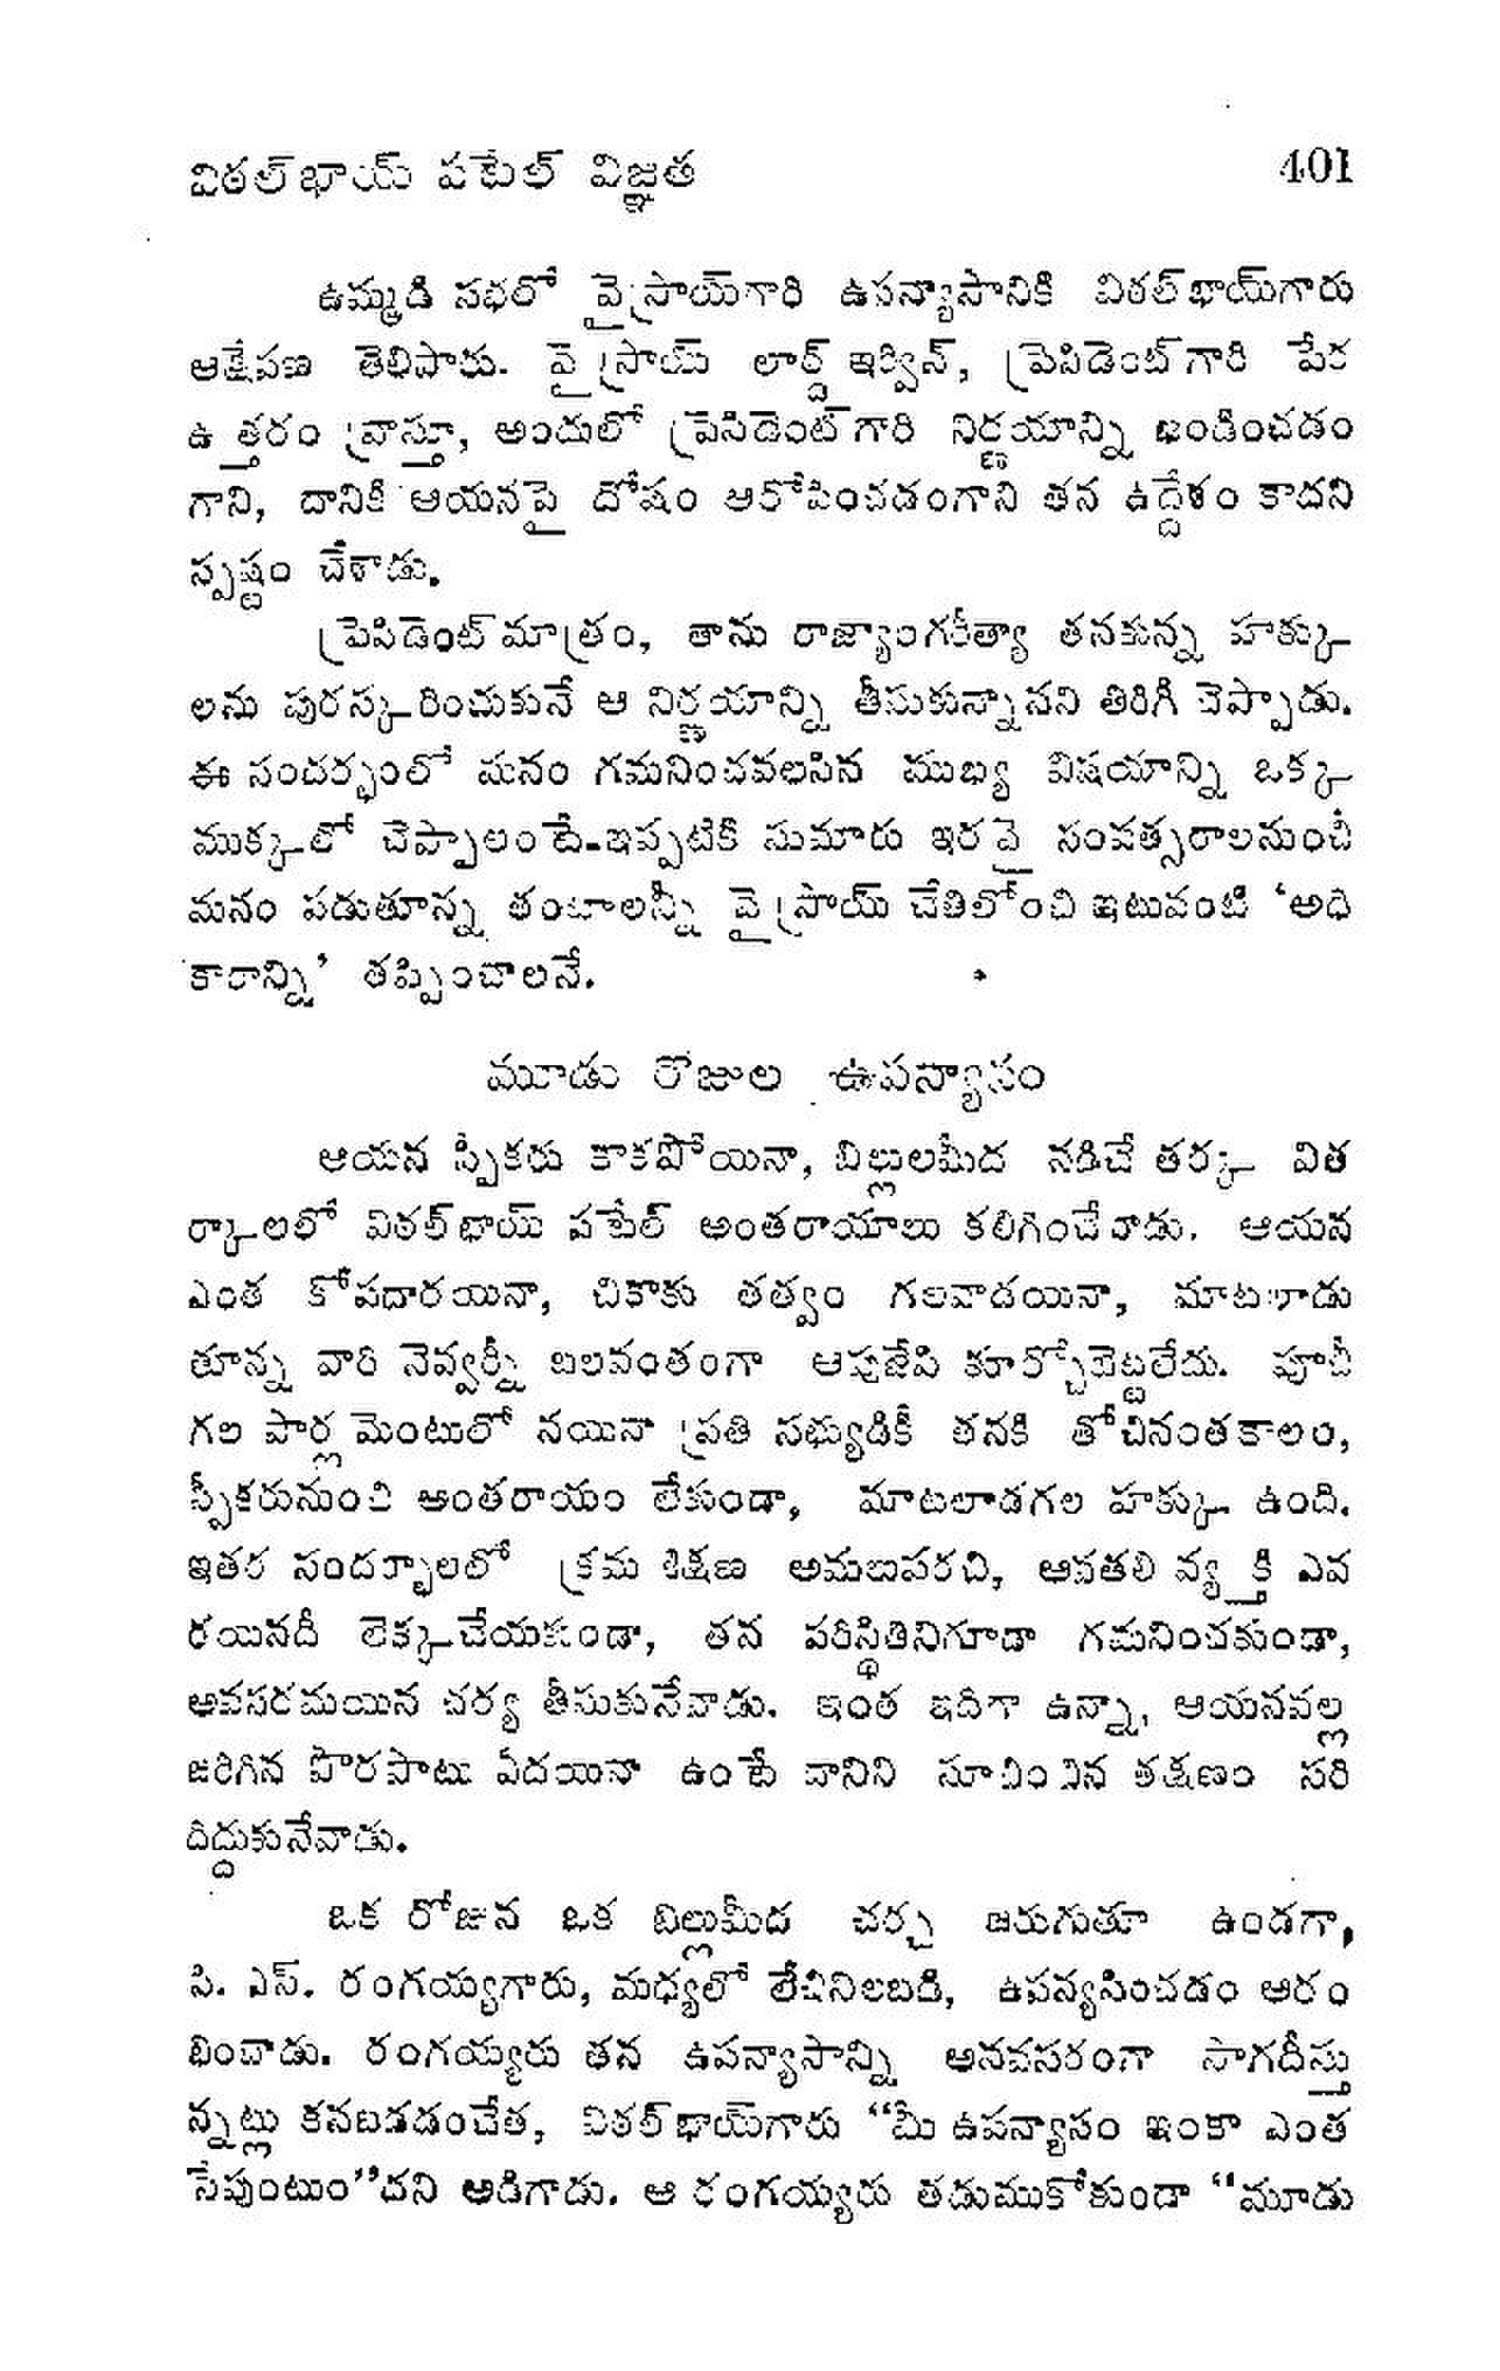ఉమ్మడి సభలో వైస్రాయ్‌గారి ఉపన్యాసానికి విఠల్‌భాయ్‌గారు ఆక్షేపణ తెలిపారు. వైస్రాయ్ లార్డ్ ఇర్విన్, ప్రెసిడెంట్‌గారి పేర ఉత్తరం వ్రాస్తూ, అందులో ప్రెసిడెంట్‌ గారి నిర్ణయాన్ని ఖండించడం గాని, దానికి ఆయనపై దోషం ఆరోపించడం గాని తన ఉద్దేశం కాదని స్పష్టం చేశాడు.

ప్రెసిడెంట్‌ మాత్రం, తాను రాజ్యాంగ రీత్యా తనకున్న హక్కులను పురస్కరించుకునే ఆ నిర్ణయాన్ని తీసుకున్నానని తిరిగీ చెప్పాడు. ఈ సందర్భంలో మనం గమనించవలసిన ముఖ్య విషయాన్ని ఒక్క ముక్కలో చెపాలంటే - ఇప్పటికి సుమారు ఇరవై సంవత్సరాలనుంచీ మనం పడూతూన్న తంటాలన్నీ వైస్రాయ్ చేతిలోంచి ఇటువంటి 'అధికారాన్ని' తప్పించాలనే.

ఆయన స్పీకరు కాకపోయినా, బిల్లుల మీద నడిచే తర్క వితర్కాలలో విఠల్‌భాయ్ పటేల్ అంతరాయాలు కలిగించేవాడు. ఆయన ఎంత కోపదారయినా, చికాకు తత్వం గలవాడయినా, మాటలాడుతూన్న వారి నెవ్వర్నీ బలవంతంగా ఆపుజేసి కూర్చోబెట్టలేదు. పూచీగల పార్లమెంటులో నయినా ప్రతి సభ్యుడికీ తనకి తోచినంత కాలం, స్పీకరునుంచి అంతరాయం లేకుండా, మాటలాడగల హక్కు ఉంది. ఇతర సందర్భాలలో క్రమ శిక్షణ అమలుపరచి, అవతలి వ్యక్తి ఎవరయినదీ లెక్కచేయకుండా, తన పరిస్థితిని గూడా గమనించకుండా, అవసరమయిన చర్య తీసుకునేవాడు. ఇంత ఇదిగా ఉన్నా, ఆయనవల్ల జరిగిన పొరపాటు ఏదయినా ఉంటే దానిని సూచించిన తక్షణం సరిదిద్దు కునేవాడు.

ఒక రోజున ఒక బిల్లుమీద చర్చ జరుగుతూ ఉండగా, సి. ఎస్. రంగయ్యగారు, మధ్యలో లేచినిలబడి, ఉపన్యసించడం ఆరంభించాడు. రంగయ్యను తన ఉపన్యాసాన్ని అనవసరంగా సాగదీస్తున్నట్లు కనబడడంచేత, విఠల్‌భాయ్‌గారు "మీ ఉపన్యాసం ఇంకా ఎంతసేపువుంటుం"దని అడిగాడు. ఆ రంగయ్యరు తడుము కోకుండా "మూడు